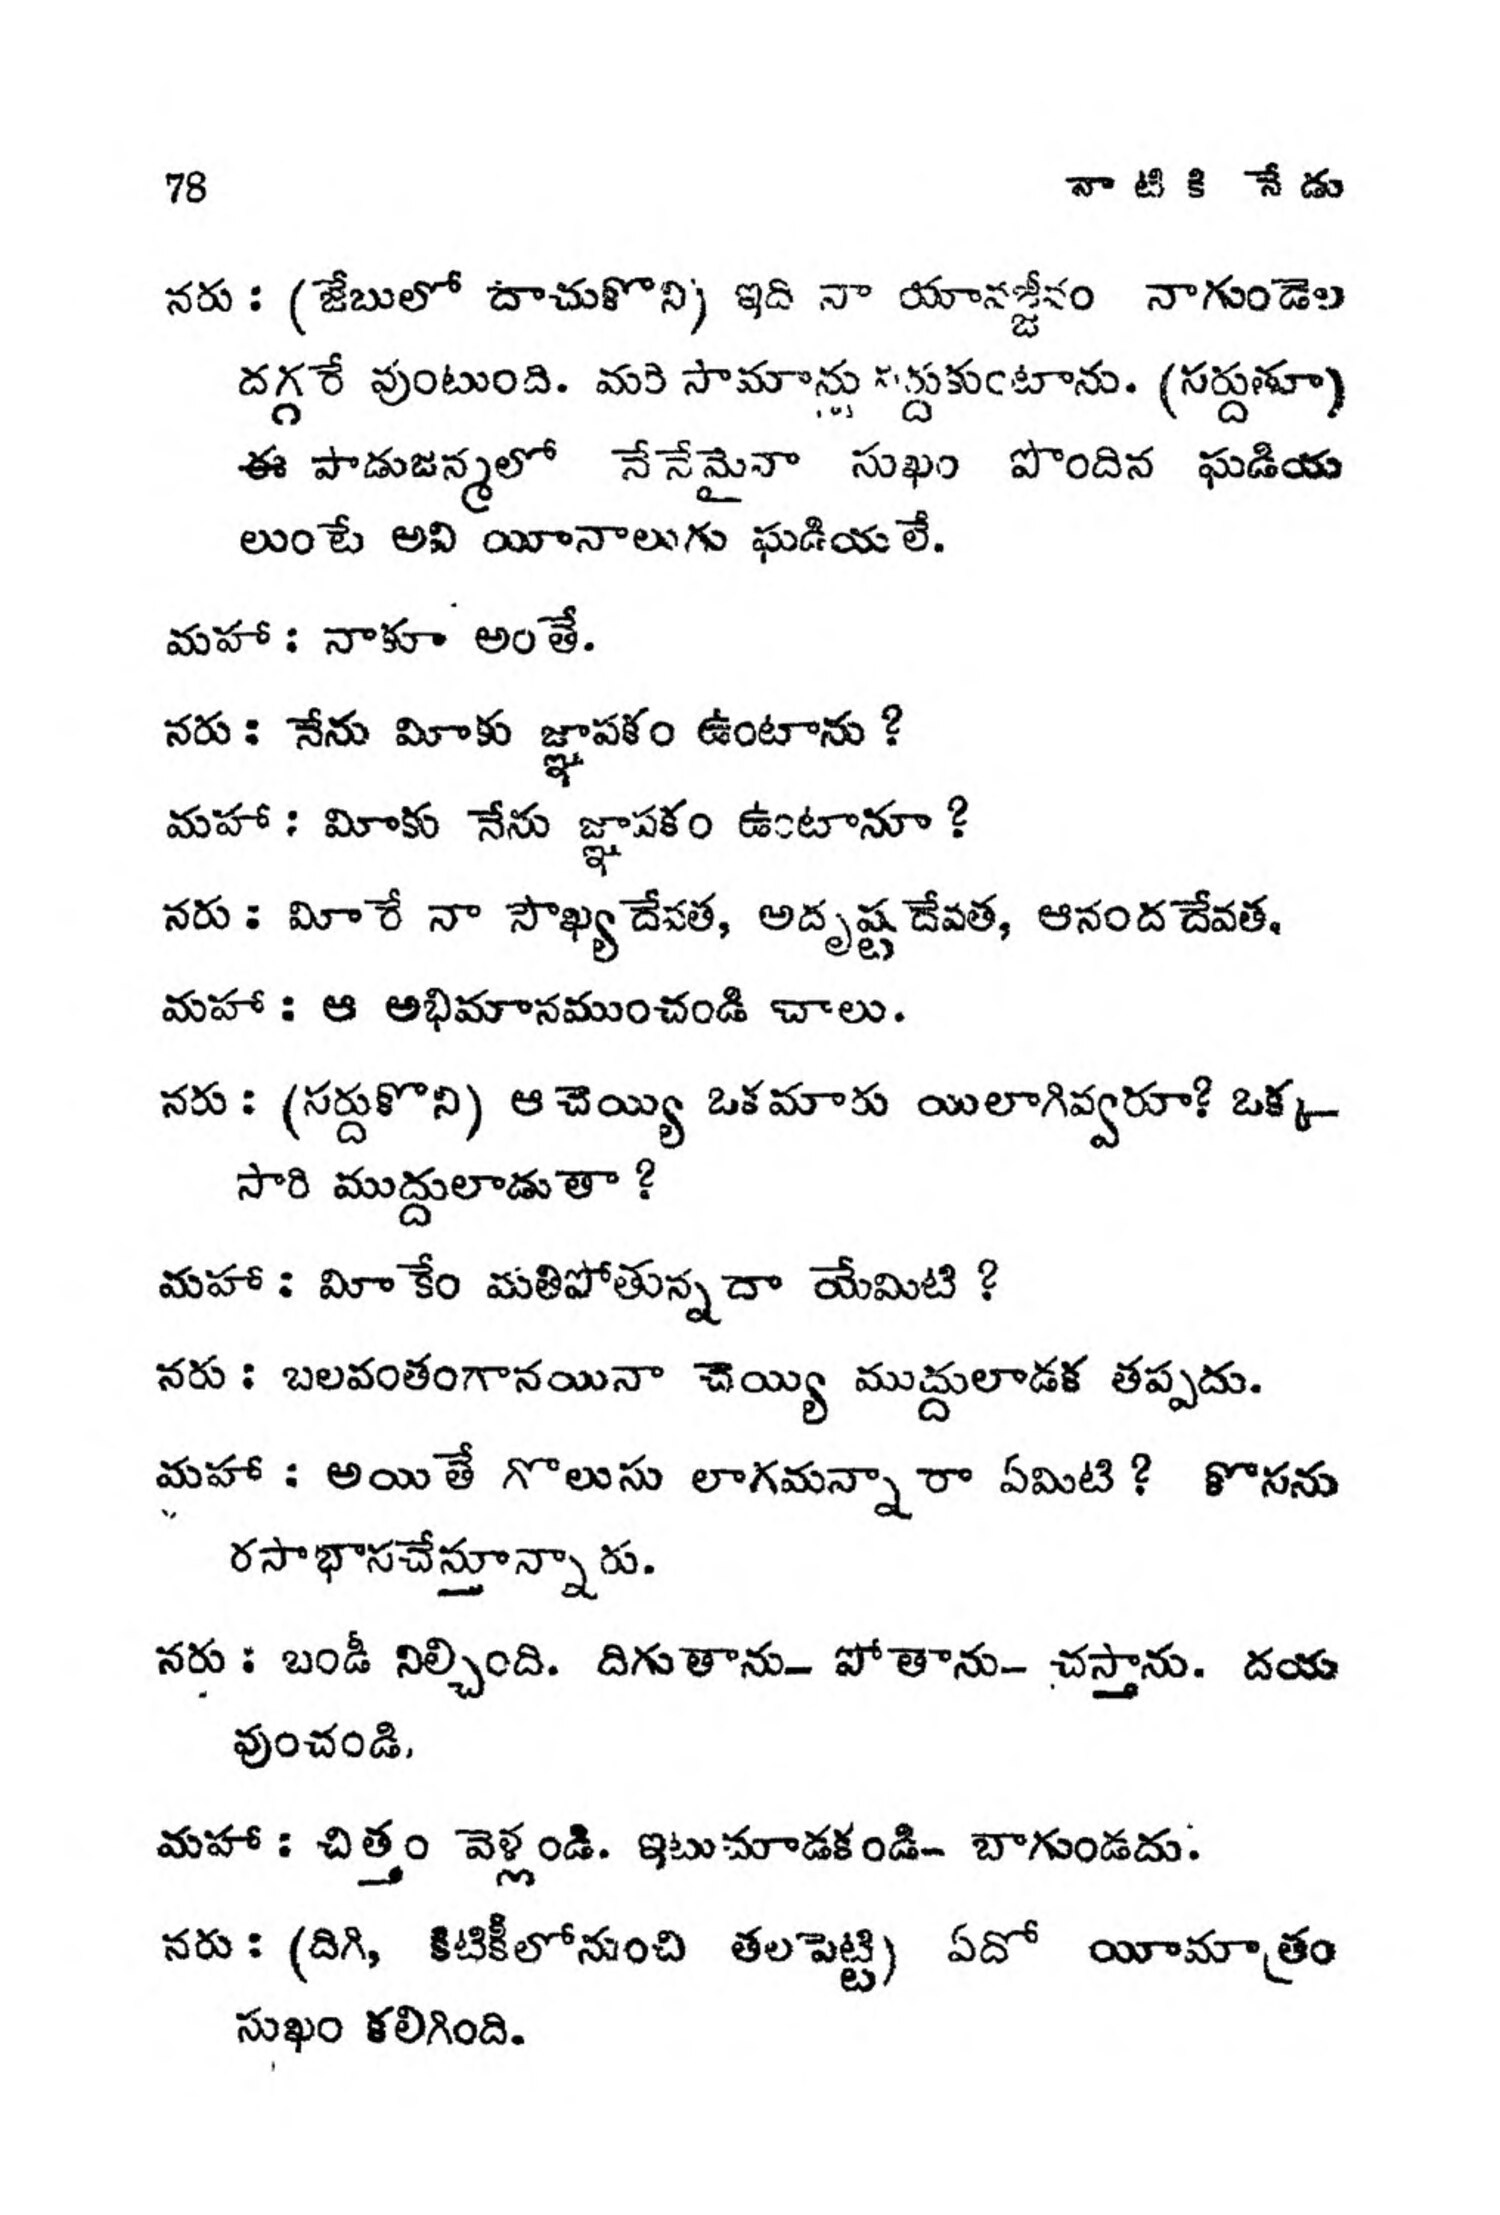నరు : (జేబులో దాచుకొని) ఇది నా యావజ్జీవం నాగుండెల దగ్గరే వుంటుంది. మరి సామాన్లు సర్దుకుంటాను. (సర్దుతూ) ఈ పాడుజన్మలో నేనేమైనా సుఖం పొందిన ఘడియ లుంటే అవి యీనాలుగు ఘడియలే.

మహా : నాకూ అంతే.

నరు : నేను మీకు జ్ఞాపకం ఉంటాను?

మహా : మీకు నేను జ్ఞాపకం ఉంటానూ?

నరు : మీరే నా సౌఖ్యదేవత, అదృష్టదేవత, ఆనందదేవత.

మహా : ఆ అభిమానముంచండి చాలు.

నరు : (సర్దుకొని) ఆ చెయ్యి ఒకమారు యిలాగివ్వరూ? ఒక్కసారి ముద్దులాడుతా ?

మహా : మీకేం మతిపోతున్నదా యేమిటి ?

నరు : బలవంతంగానయినా చెయ్యి ముద్దులాడక తప్పదు.

మహా : అయితే గొలుసు లాగమన్నారా ఏమిటి? కొసను రసాభాసచేస్తూన్నారు.

నరు : బండీ నిల్చింది. దిగుతాను - పోతాను - చస్తాను. దయవుంచండి.

మహా : చిత్తం వెళ్లండి. ఇటు చూడకండి - బాగుండదు.

నరు : (దిగి, కిటికీలోనుంచి తలపెట్టి) ఏదో యీమాత్రం సుఖం కలిగింది.